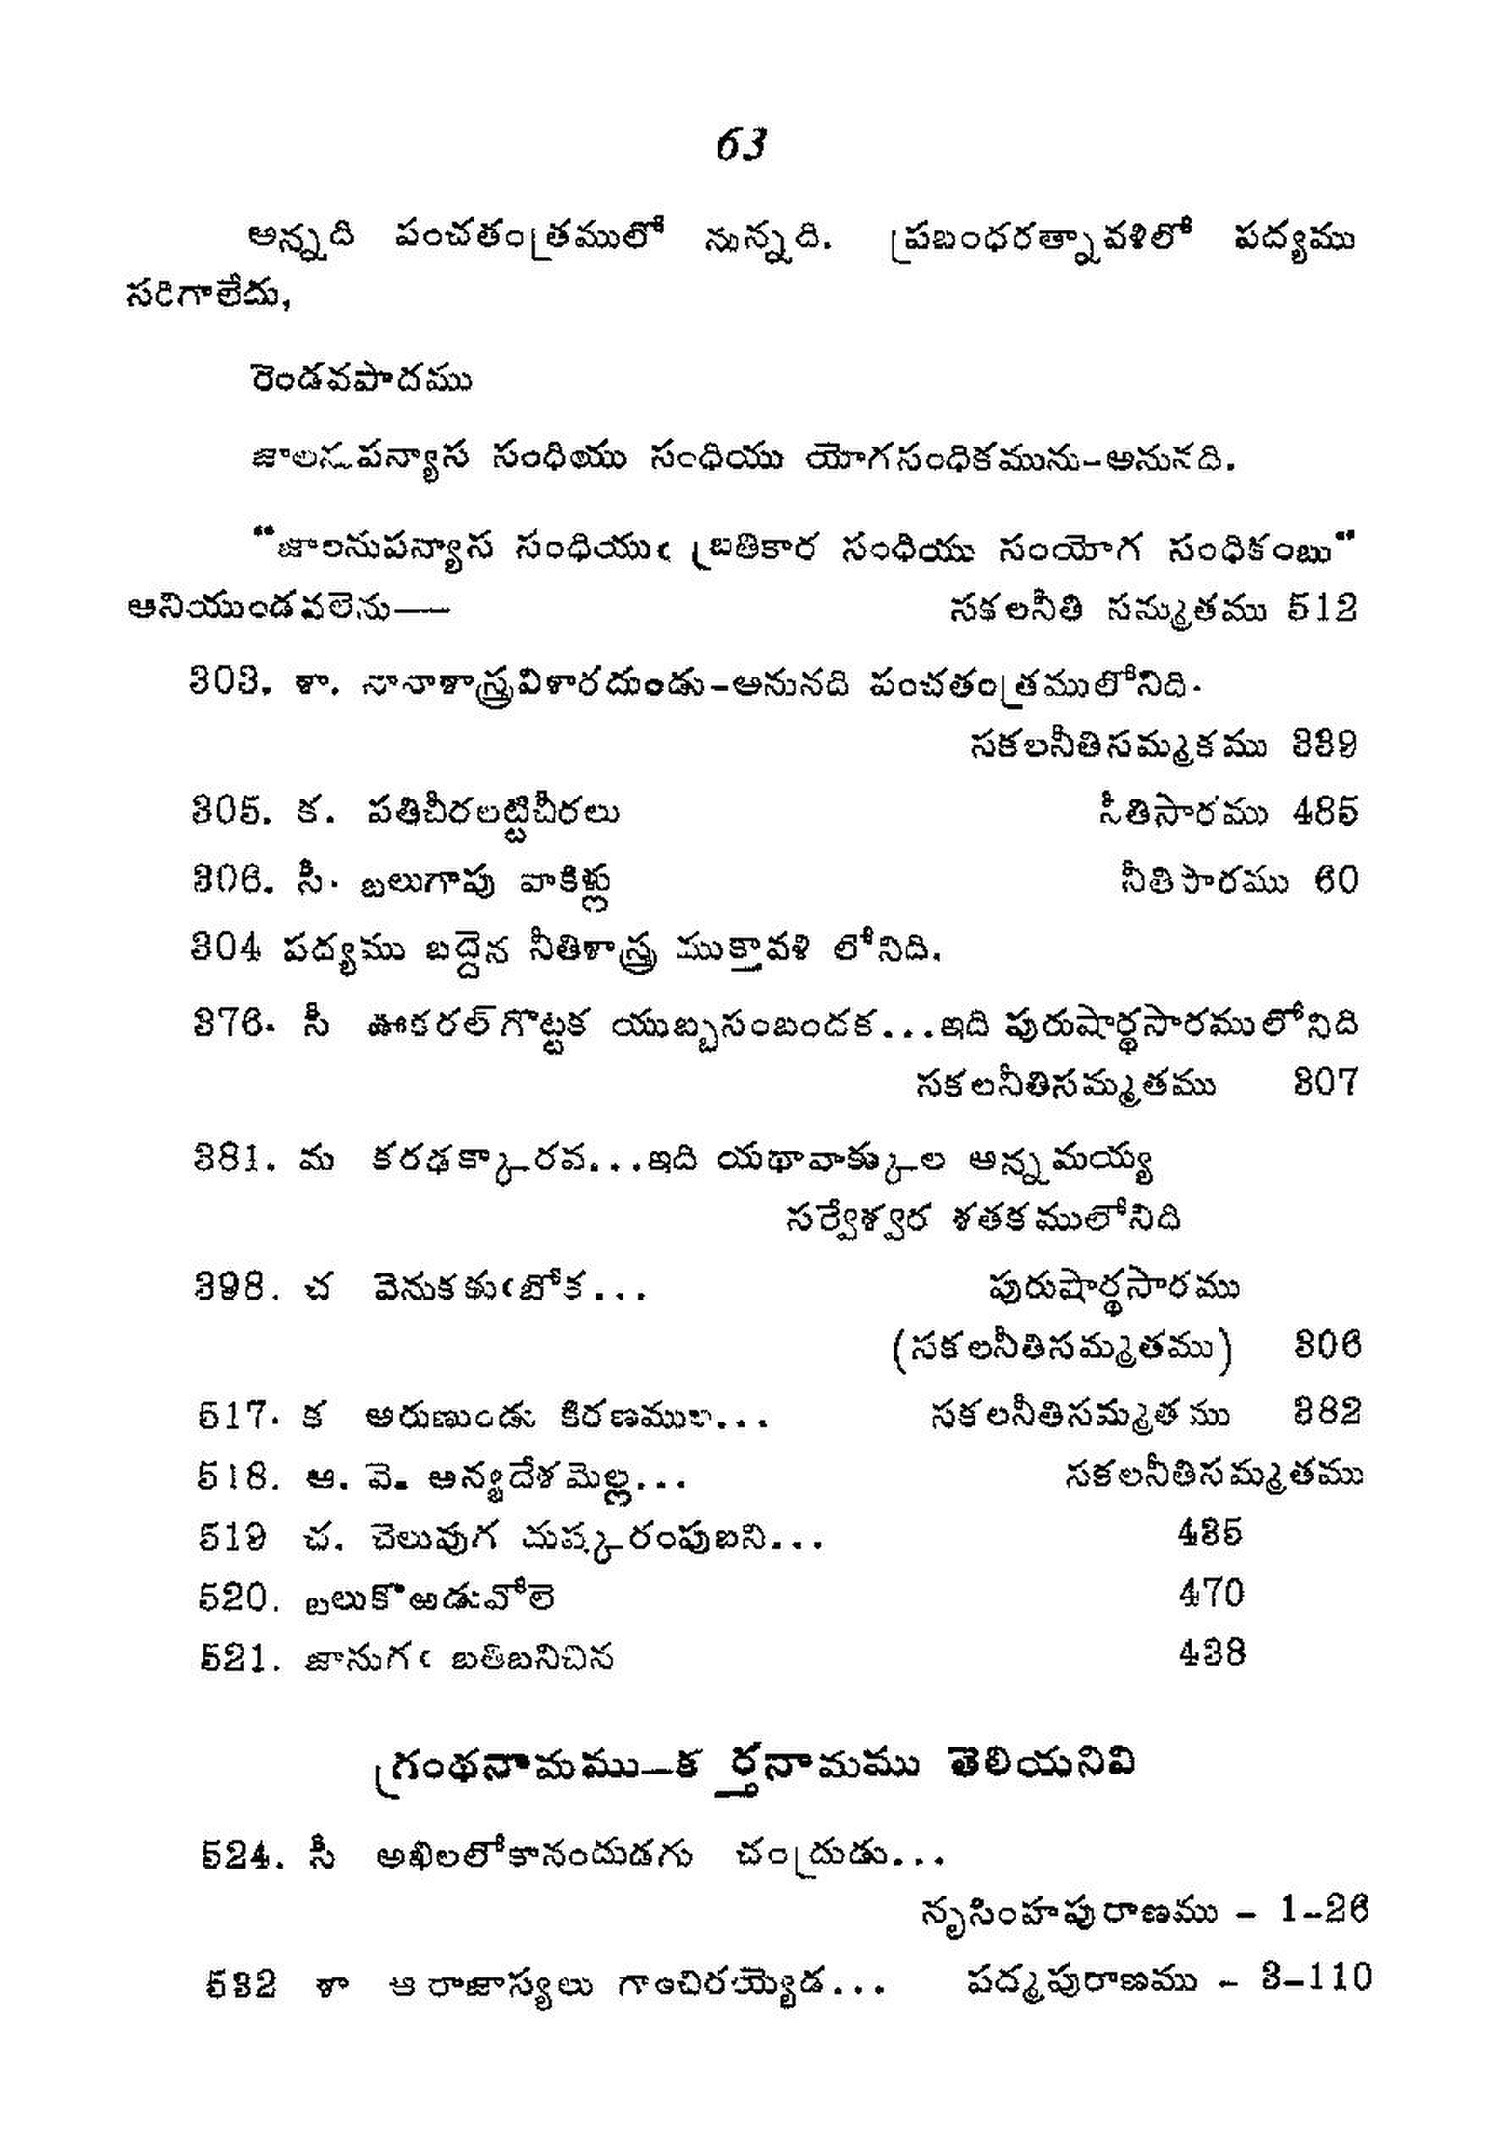అన్నది పంచతంత్రములో సున్నది. ప్రబంధరత్నావళిలో పద్యము
సరిగా లేదు,

రెండవ పాదము

జాలను.పన్యాస సంధియు సంధియు యోగసంధికమును-అనునది.
“జారినుపన్యాస సంధియుఁ బ్రతికార సంధియు సంయోగ సంధికంబు"
అనియుండవలెను-- ..............................సకలనీతి సమ్మతము 512
303, శా. నానాశాస్త్ర విశారదుండు-అనునది పంచతంత్రములోనిది.
 ............................................................సకలనీతి సమ్మకము 889
305. క. పతిచీర లట్టి చీరలు................... సీతిసారము 485
308. సీ. బలుగాపు వాకిళ్లు ........................నీతి పారము 60
304 పద్యము బద్దెన .........................నీతిశాస్త్ర ముక్తావళి లోనిది,
376. సీ ఊకరల్ గొట్టక యుబ్బసంబందక...ఇది పురుషార్థసారములోనిది
...................................................సకలనీతి సమ్మతము 807
381. మ కరఢక్కారన. . . ఇది యథావాక్కుల అన్నమయ్య
సర్వేశ్వర శతకములోనిది
398. చ వెనుకకుఁ బోక...పురుషార్థసారము(సకలనీతిసమ్మతము) 306
517. క అరుణుండు కిరణముల... సకలనీతి సమ్మతము 882
518. ఆ. వె. అన్యదేశ మెల్ల. . ......................సకలనీతి సమ్మతము
519 చ, చెలువుగ ముష్కరంపుబని.......................485
520. బలుకొఱడువోలె........................................470
521. జాసుగఁబతిబనిచిన ..................................438

524. సీ అఖిలలోకానందుడగు చంద్రుడు. . ......నృసింహపురాణము - 1-28
532.శా. రాజాస్యలు గాంచిరయ్యేడ..................... పద్మపురాణము - 3-110